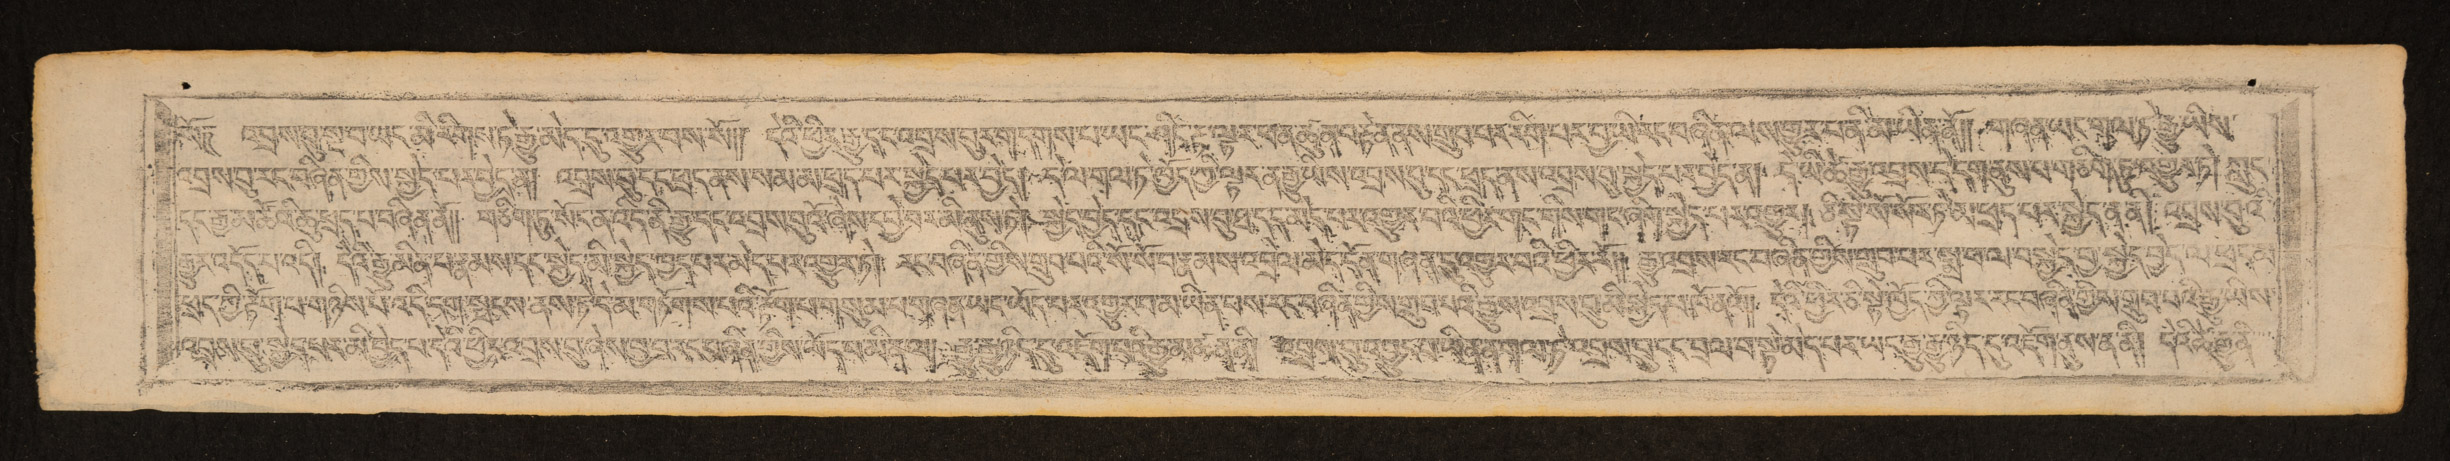སོ༑༑ འབྲས་བུ་སྔ་བ་ཡང་མི་རིགས་ཏེ་རྒྱུ་མེད་དུ་འགྱུར་བས་སོ།། དེའི་ཕྱིར་རྒྱུ་དང་འབྲས་བུར་གདགས་པ་ཡང་ཤིང་རྟ་ལྟར་ཕན་ཚུན་བརྟེན་ནས་གྲུབ་པར་རིག་པར་བྱ་ཡི་རང་བཞིན་ལས་གྱུར་པ་ནི་མ་ཡིན་ནོ།། གཞན་ཡང་གལ་ཏེ་རྒྱུ་ཡིས་
འབྲས་བུ་རང་བཞིན་གྱིས་སྐྱེད་པར་བྱེད་ན། འབྲས་བུ་དང་ཕྲད་ནས་སམ་མ་ཕྲད་པར་སྐྱེད་པར་བྱེད། དེ་ལ་གལ་ཏེ་ཁྱོད་ཀྱི་ལྟར་ན་རྒྱུ་ཡིས་འབྲས་བུ་དང་ཕྲད་ནས་འབྲས་བུ་སྐྱེད་པར་བྱེད་ན། དེ་ཡི་ཚེ་རྒྱུ་འབྲས་དེ་དག་ནུས་པ་གཅིག་ཏུ་འགྱུར་ཏེ། ཀླུང་
དང་རྒྱ་མཚོའི་ཆུ་ཕྲད་པ་བཞིན་ནོ།། གཅིག་ཏུ་སོང་ན་འདི་ནི་རྒྱུ་དང་འབྲས་བུའོ་ཞེས་དབྱེ་བར་མི་ནུས་ཏེ། སྐྱེད་བྱེད་དང་འབྲས་བུ་ཐ་དད་མེད་པར་འགྱུར་བའི་ཕྱིར་གང་གིས་གང་ཞིག་སྐྱེད་པར་གྱུར། ཅི་སྟེ་སོ་སོར་ཏེ་མ་ཕྲད་པར་སྐྱེད་ན་ནི། འབྲས་བུའི་
རྒྱུར་འདོད་པ་འདི། དེའི་རྒྱུ་མིན་པ་རྣམས་དང་སྐྱེད་མི་སྐྱེད་ཁྱད་པར་མེད་པར་འགྱུར་ཏེ། རང་བཞིན་གྱིས་གྲུབ་པའི་སོ་སོ་བ་རྣམས་འབྲེལ་མེད་དོན་གཞན་དུ་འགྱུར་བའི་ཕྱིར་རོ།། རྒྱུ་འབྲས་རང་བཞིན་གྱིས་གྲུབ་པར་སྨྲ་བ་ལ་བསྐྱེད་བྱ་བསྐྱེད་བྱེད་ལ་ཕྲད་མ་
ཕྲད་ཀྱི་རྟོག་པ་གཉིས་པོ་འདི་དག་སྤངས་ནས་ཏེ་དེ་མ་གཏོགས་པའི་རྟོག་པ་གསུམ་པ་གཞན་ཡང་ཡོད་པར་འགྱུར་བ་མ་ཡིན་པས་རང་བཞིན་གྱིས་གྲུབ་པའི་རྒྱུས་འབྲས་བུ་མི་སྐྱེད་པ་ཁོ་ནའོ།། དེའི་ཕྱིར་ཅི་སྟེ་ཁྱོད་ཀྱི་ལྟར་རང་བཞིན་གྱིས་གྲུབ་པའི་རྒྱུ་ཡིས་
འབྲས་བུ་སྐྱེད་པར་མི་བྱེད་པ་དེའི་ཕྱིར་འབྲས་བུ་ཞེས་བྱ་བ་རང་བཞིན་གྱིས་ཡོད་པ་མིན་ལ། རྒྱུ་རྒྱུ་ཉིད་དུ་འཇོག་པའི་རྒྱུ་མཚན་ནི་། འབྲས་བུ་འབྱུང་བ་ཡིན་ན་གལ་ཏེ་འབྲས་བུ་དང་བྲལ་བ་སྟེ་མེད་པར་ཡང་རྒྱུ་རྒྱུ་ཉིད་དུ་འཇོག་ནུས་ན་ནི། དེའི་ཚེ་རྒྱུ་ནི་